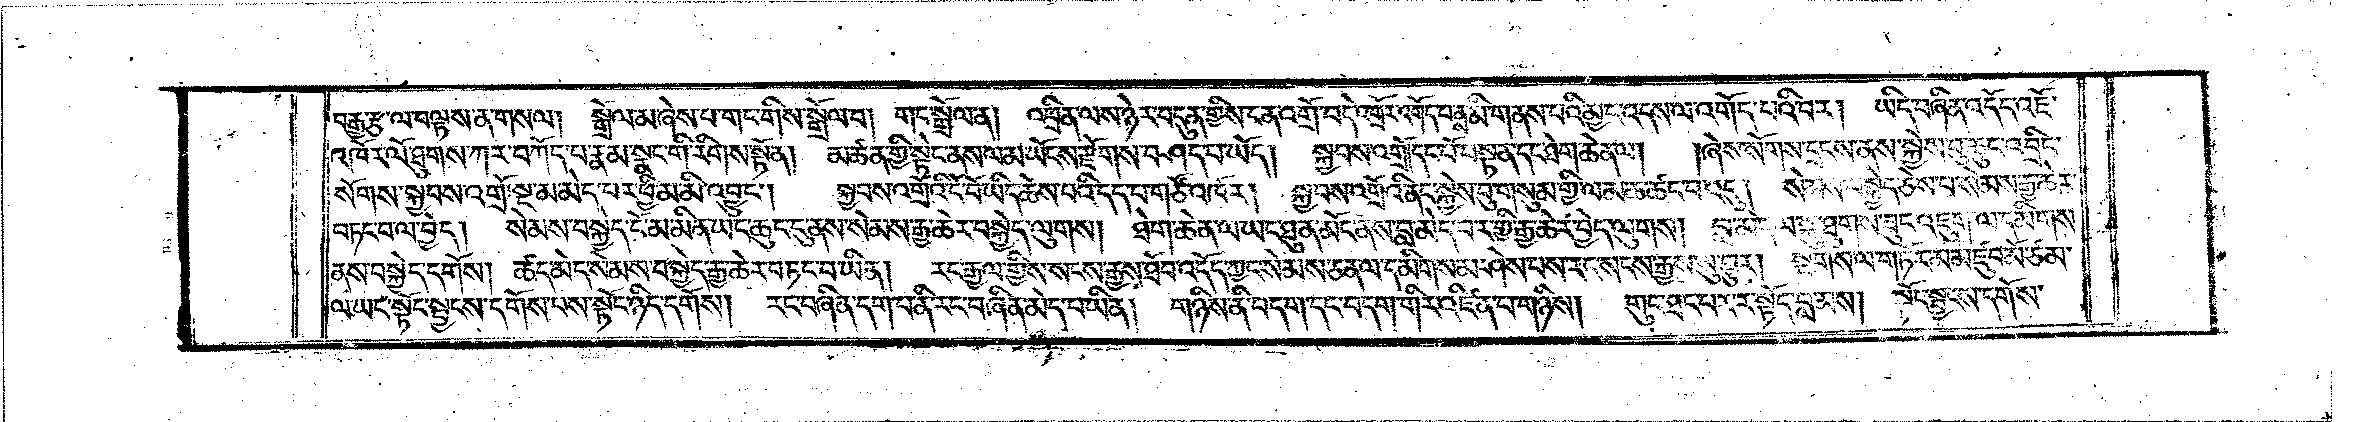བརྒྱ་རྩ་ལ་བལྟས་ན་གསལ། སྒྲོལ་མ་ཞེས་པ་གང་གིས་སྒྲོལ་བ། གང་སྒྲོལ་ན། འཕྲིན་ལས་ཉེར་བདུན་གྱིས་ངན་འགྲོ་བདེ་འཕྲོར་འགོད་པ་ནས་མི་གནས་པའི་མྱང་འདས་ལ་འགོད་པའི་བར། ཡིད་བཞིན་འདོད་འཇོ་
འཁོར་ལོ་ཐུགས་ཀར་བཀོད་པ་རྣམ་སྣང་གི་རིགས་སྟོན། མཚན་གྱི་སྟེང་ནས་ལམ་ཡོངས་རྫོགས་བཤད་པ་ཡོད། སྐྱབས་འགྲོ་དང་པོ་བསྟན་དང་ཐེག་ཆེན་ལ། །ཞེས་སོགས་དྲངས་ནས་སྐྱེས་བུ་ཆུང་འབྲིང་
སོགས་སྐྱབས་འགྲོ་སྔ་མ་མེད་པར་ཕྱི་མ་མི་འབྱུང་། སྐྱབས་འགྲོའི་ངོ་བོ་ཡིད་ཚེས་བའི་དད་པ་གཙོ་འཁོར། སྐྱབས་འགྲོའི་ནང་སྐྱེས་བུ་གསུམ་གྱི་ལམ་ཆ་ཚང་བ་འདུ། སེམས་བསྐྱེད་ཅེས་པ་སེམས་རྒྱ་ཆེར་
བཏང་བ་ལ་བྱེད། སེམས་བསྐྱེད་ངོ་མ་མིན་ཡང་ཆུང་ངུ་ནས་སེམས་རྒྱ་ཆེར་བསྐྱེད་ལུགས། ཐེག་ཆེན་ལ་ཡང་ཐུན་མོང་ནས་བླ་མེད་པར་གྱི་རྒྱ་ཆེར་བྱེད་ལུགས། བླ་མེད་ལ་སྐུ་ཐུགས་ཟུང་འཇུག་ལ་དམིགས་
ནས་བསྐྱེད་དགོས། ཚད་མེད་སེམས་བསྐྱེད་རྒྱ་ཆེར་བཏང་བ་ཡིན། རང་རྒྱལ་གྱིས་སངས་རྒྱས་ཐོབ་འདོད་ཀྱང་སེམས་ཅན་ལ་དམིགས་མ་ཤེས་པས་རང་སངས་རྒྱས་སུ་གྱུར། སྔགས་ལ་གཏོར་མ་མཛུབ་མོ་ཙམ་
ལ་ཡང་སྟོང་སྦྱངས་དགོས་པས་སྟེང་ཉིད་དགོས། རང་བཞིན་དག་པ་ནི་རང་བཞིན་མེད་པ་ཡིན། གཉིས་ནི་བདག་དང་བདག་གིར་འཛིན་པ་གཉིས། གུང་ཐང་པར་ར་སྟོད་བླ་མས། སྟོང་སྦྱངས་དགོས་